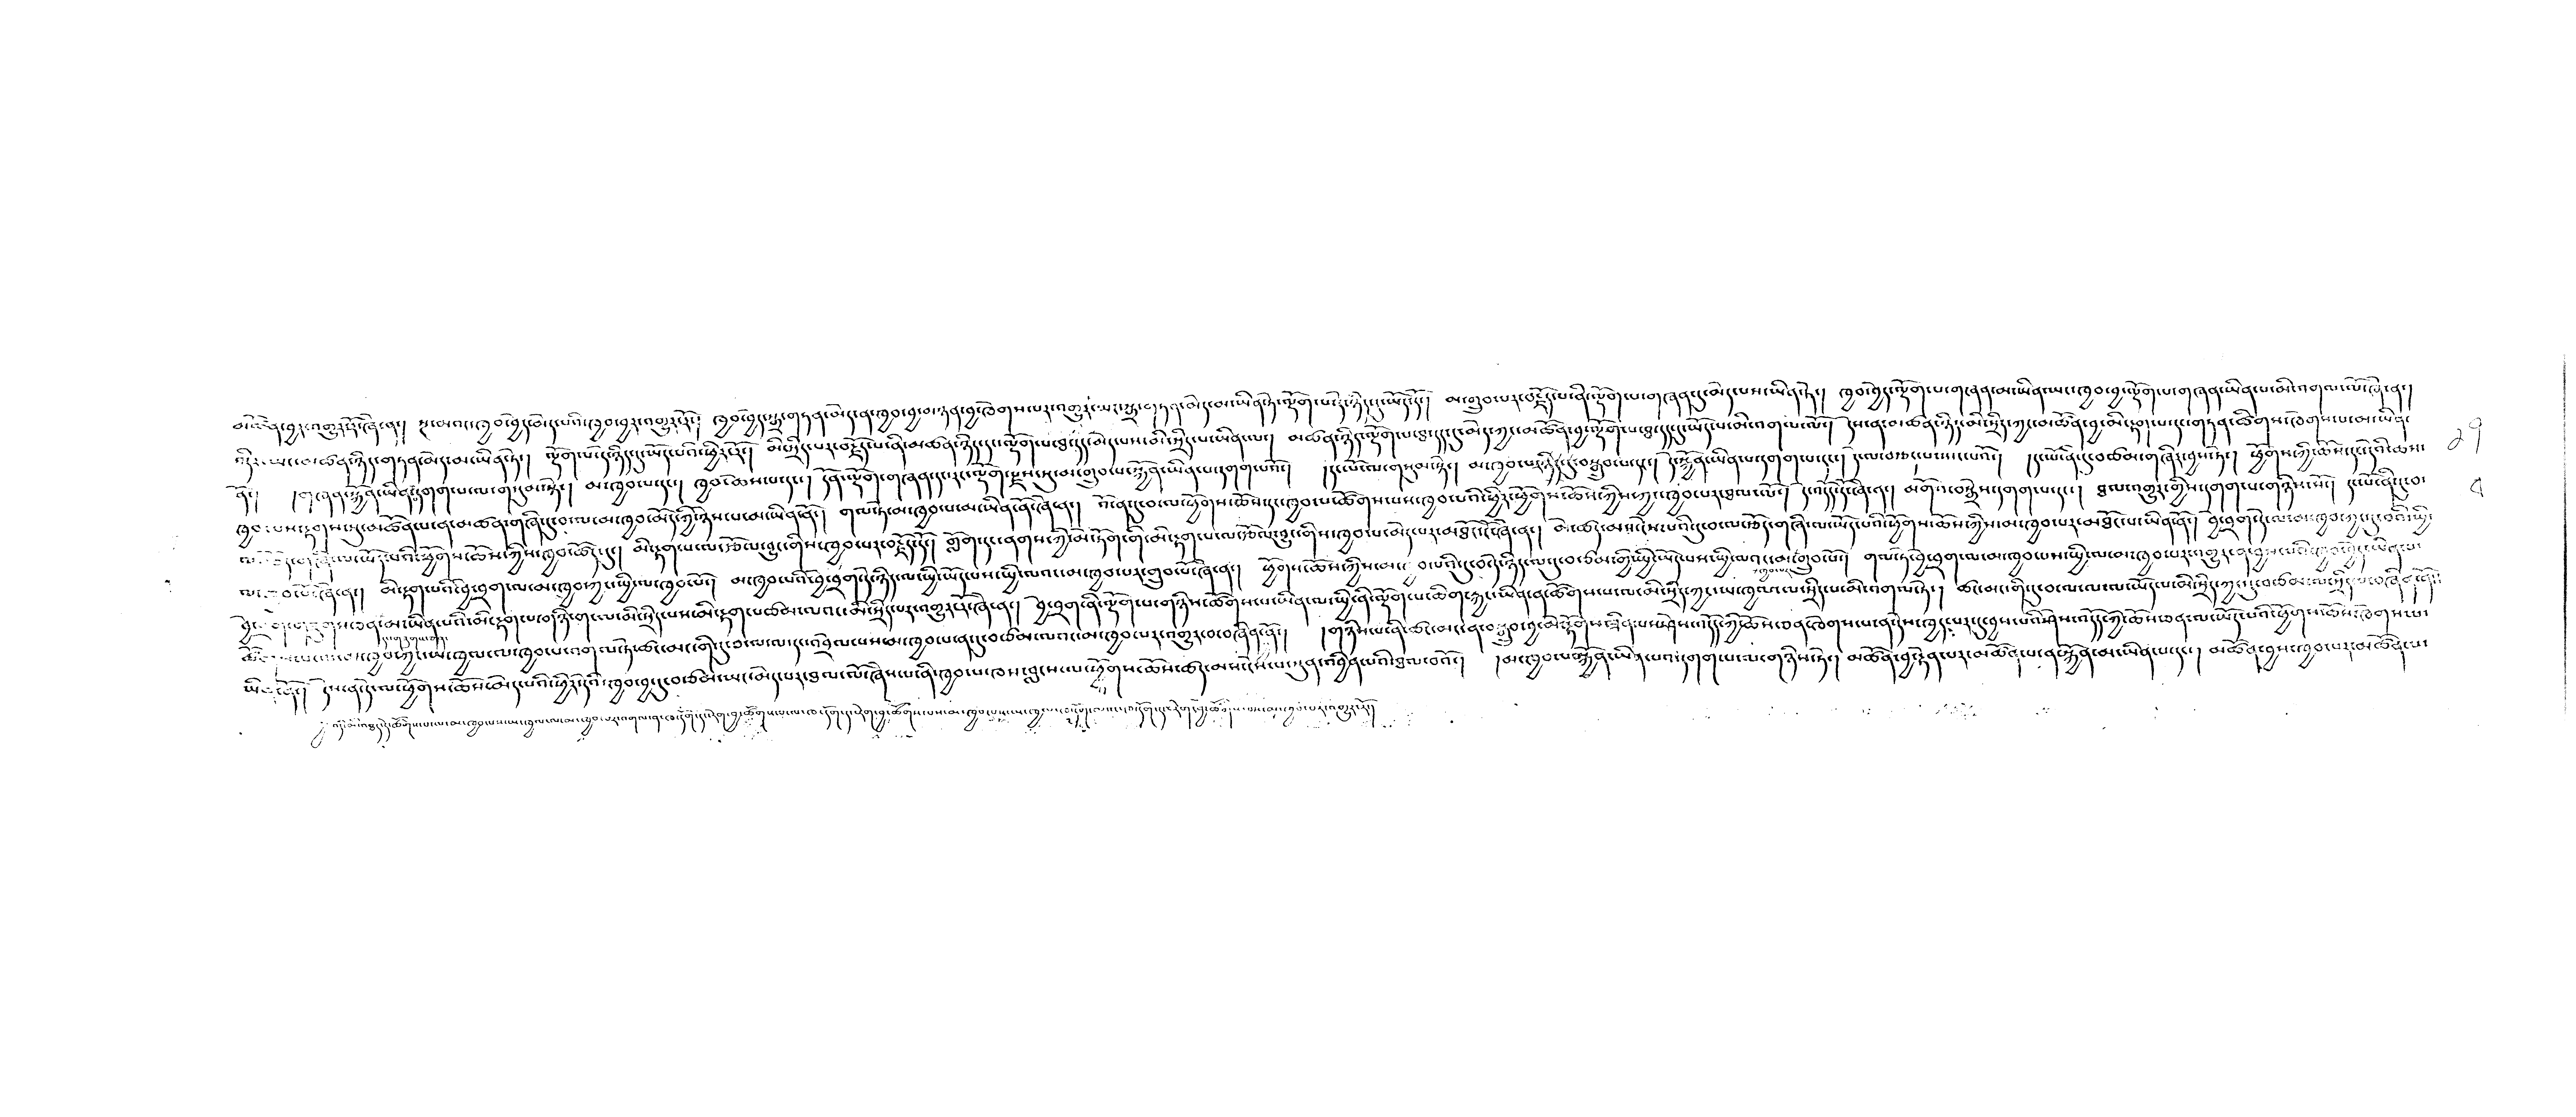མཚོན་བྱར་འགྱུར་རོ་ཞེ་ན། སྔ་མའང་ཁྱབ་བྱེད་མེད་པའི་ཁྱབ་བྱར་འགྱུར་རོ། ཁྱབ་བྱེད་སྒྲ་གཏན་མེད་ན་ཁྱབ་བྱ་མཉན་བྱ་ཁེགས་པར་འགྱུར་ཡང་སྒྲ་གཏན་མེད་མ་ཡིན་ཏེ་ལྡོག་པ་དེ་ཉིད་དུ་ཡོད་དོ། མ་གྲུབ་པར་བརྗོད་པ་ནི་ལྡོག་པ་གཞན་དུ་མེད་པས་ཡིན་ཏེ། ཁྱབ་བྱེད་ལྡོག་པ་གཞན་མ་ཡིན་ཡང་ཁྱབ་བྱ་ལྡོག་པ་གཞན་ཡིན་པ་མི་འགལ་ལོ་ཞེ་ན།
འདིར་ཡང་མཚན་ཉིད་གཏན་མེད་མ་ཡིན་ཏེ། ལྡོག་པ་དེ་ཉིད་དུ་ཡོད་པའི་ཕྱིར་རོ། མི་སྲིད་པར་བརྗོད་པ་ནི་མཚན་ཉིད་དང་ལྡོག་པ་ཐ་དད་མེད་པས་མི་སྲིད་པ་ཡིན་ལ། མཚན་ཉིད་ལྡོག་པ་ཐ་དད་དུ་མེད་ཀྱང་མཚོན་བྱ་ལྡོག་པ་ཐ་དད་དུ་ཡོད་པ་མི་འགལ་ལོ། དེས་ན་མཚན་ཉིད་མི་སྲིད་ཀྱང་མཚོན་བྱ་མི་རྟག་པ་དང་གཏན་ཚིགས་ཁེགས་པ་མ་ཡིན་
ནོ། །གཞན་སྐྱོན་ཡིན་དགག་པ་ལ་གསུམ་སྟེ། མ་ཁྱབ་པ་དང་། ཁྱབ་ཆེས་པ་དང་། དོན་ལྡོག་གཞན་དང་རང་ལྡོག་རྫས་སུ་མ་གྲུབ་པ་སྐྱོན་ཡིན་པ་དགག་པའོ། །དང་པོ་ལ་གསུམ་སྟེ། མ་ཁྱབ་པར་ཉིད་དུ་བསྒྲུབ་པ་དང་། དེ་སྐྱོན་ཡིན་པ་དགག་པ་དང་། དེ་ལ་བརྩད་པ་སྤང་པའོ། །དང་པོ་ནི་དུ་བ་ཙམ་གཞིར་བྱས་ཏེ། ཕྱོགས་ཀྱི་ཆོས་དང་དེའི་ཆས་
ཁྱབ་པས་རྟགས་སུ་མཚོན་པ་ན་མཚན་གཞི་དུ་བ་ལ་མ་ཁྱབ་མོད་ཀྱི་ཉེས་པ་མ་ཡིན་ནོ། གལ་ཏེ་མ་ཁྱབ་པ་མ་ཡིན་ནོ་ཞེ་ན། འོ་ན་དུ་བ་ལ་ཕྱོགས་ཆོས་དང་ཁྱབ་པ་ཚོགས་པས་ཁྱབ་པའི་ཕྱིར་ཕྱོགས་ཆོས་ཀྱིས་ཀྱང་ཁྱབ་པར་ཐལ་ལོ། དེ་འདོད་དོ་ཞེ་ན། མགོའ་བསྒྲེས་དགག་པ་དང་། ཐལ་འགྱུར་གྱིས་དགག་པ་གཉིས་སོ། དང་པོ་ནི་དུ་བ་
ལ་རྩོད་གཞི་ལ་ཡོད་པའི་ཕྱོགས་ཆོས་ཀྱིས་ཁྱབ་ཚོད་དུ། མི་རྟག་པ་ལ་རྩོལ་བྱུང་གིས་ཁྱབ་པར་བརྗོད་དོ། གློག་དང་ནགས་ཀྱི་མེ་ཏོག་གི་མི་རྟག་པ་ལ་རྩོལ་བྱུང་གིས་ཁྱབ་པ་མེད་པར་མཐོང་ངོ་ཞེ་ན། མེ་ཚད་མས་ངེས་པའི་དུ་བ་ལ་རྩོད་གཞི་ལ་ཡོད་པའི་ཕྱོགས་ཆོས་ཀྱིས་མ་ཁྱབ་པར་མཐོང་པ་ཡིན་ནོ། བྱེ་བྲག་དེ་ལ་མ་ཁྱབ་ཀྱང་དུ་བའི་སྤྱི་
ལ་ཁྱབ་པོ་ཞེ་ན། མི་རྟག་པའི་བྱེ་བྲག་ལ་མ་ཁྱབ་ཀྱང་སྤྱི་ལ་ཁྱབ་པོ། མ་ཁྱབ་པའི་བྱེ་བྲག་དེ་ཉིད་ལ་སྤྱི་ཡོད་པས་སྤྱི་ལའང་མ་ཁྱབ་པར་གྲུབ་པོ་ཞེ་ན། ཕྱོགས་ཆོས་ཀྱིས་མ་ཁྱབ་པའི་དུ་བ་དེ་ཉིད་ལ་དུ་བརྩམ་གྱི་སྤྱི་ཡོད་པས་སྤྱི་མའང་མ་ཁྱབ་པར་གྲུབ་པོ། གལ་ཏེ་བྱེ་བྲག་ལ་མ་ཁྱབ་པས་སྤྱི་ལ་མ་ཁྱབ་པར་འགྱུར་ན་བྱས་པའི་ཁྱབ་བྱེད་ཡིན་པ་
བྱེ་བྲག་གཟུགས་ཅན་མ་ཡིན་པའི་མི་རྟག་པ་གཉི་ག་ལ་མི་སྲིད་པས་མི་རྟག་པ་ཙམ་ལའང་མི་སྲིད་པར་འགྱུར་རོ་ཞེ་ན། བྱེ་བྲག་ནི་ལྡོག་པ་གཉིས་ཚོགས་པ་ཡིན་ལ་སྤྱི་ནི་ལྡོག་པ་ཆིག་རྐྱང་ཡིན་ན་ཚོགས་པ་ལ་མི་སྲིད་ཀྱང་ཡ་ཁྱལ་ལ་སྲིད་པ་མི་འགལ་ཏེ། ཚང་མང་གི་དུ་བ་ལ་ལ་ལ་ཡོད་པ་མི་སྲིད་ཀྱང་དུ་བ་ཙམ་ལ་སྲིད་པ་བཞིན་ནོ།།
ཚོགས་པ་ལ་མ་ཁྱབ་ཀྱང་ཡ་ཁྱལ་ལ་ཁྱབ་པ་འགལ་ཏེ་ཚང་མང་གི་དུ་བ་ལ་ལ་དང་འབྲེལ་པས་མ་ཁྱབ་པ་ན་དུ་བ་ཙམ་ལའང་མ་ཁྱབ་པར་འགྱུར་བ་བཞིན་ནོ། །གཉིས་པ་ནི་ཚང་མང་ན་བསྒྲུབ་བྱ་མེ་རྟོགས་ཟིན་པས་ཤེས་འདོད་ཀྱི་ཆོས་ཅན་ཁེགས་པ་ན་དེས་ཁྱད་པར་དུ་བྱས་པའི་ཤེས་འདོད་ཀྱི་ཆོས་ཅན་ལ་ཡོད་པའི་ཕྱོགས་ཆོས་ཁེགས་པ་
ཡིན་ནོ། དེས་ན་དེ་ལ་ཕྱོགས་ཆོས་མེད་པའི་ཕྱིར་དེའི་ཁྱབ་བྱ་དུ་བ་ཙམ་ཡང་མེད་པར་ཐལ་ལོ་ཞེས་པ་ནི་ཁྱབ་པ་ཁས་བླངས་ལ་ཕྱོགས་ཆོས་ཚད་མས་ངེས་པ་སུན་འབྱིན་པའི་ཐལ་བའོ། །མ་ཁྱབ་པ་སྐྱོན་ཡིན་པའང་དགག་པ་ལ་གཉིས་ཏེ། མཚོན་བྱ་རྟེན་པར་མཚོན་པ་ན་སྐྱོན་མ་ཡིན་པ་དང་། མཚོན་བྱས་ཁྱབ་པར་མཚོན་པ་